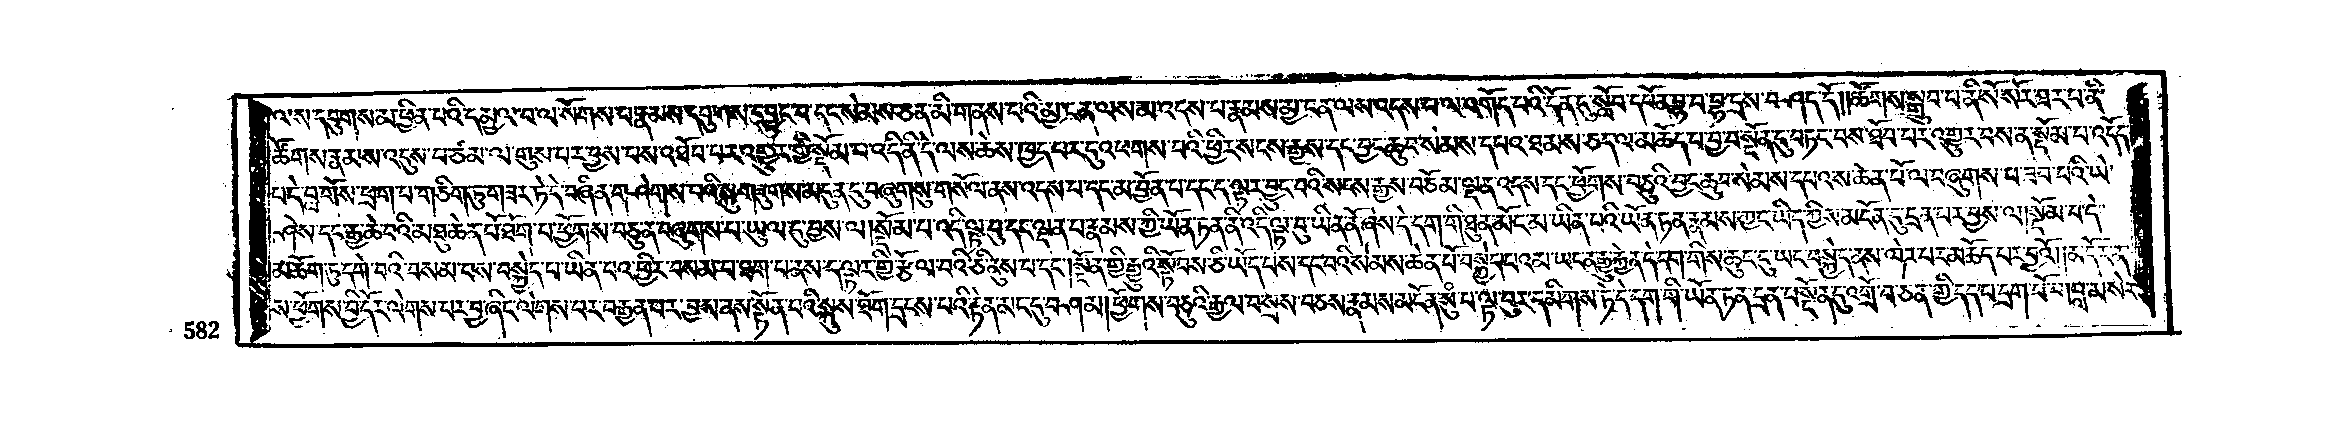ལས་དབུགས་མ་ཕྱིན་པའི་དམྱལ་བ་ལ་སོགས་པ་རྣམས་དབུགས་དབྱུང་བ་དང་སེམས་ཅན་མི་གནས་པའི་མྱ་ངན་ལས་མ་འདས་པ་རྣམས་མྱ་ངན་ལས་འདས་པ་ལ་འགོད་པའི་དོན་དུ་སློབ་དཔོན་བྷ་བ་བྷ་དྲས་བཤད་དོ། །ཚོགས་སྒྲུབ་པ་ནི་སོ་སོར་ཐར་པ་ནི་
ཚོགས་རྣམས་འདུས་པ་ཙམ་ལ་གུས་པར་བྱས་པས་འཐོབ་པར་འགྱུར་གྱི་སྡོམ་པ་འདི་ནི་དེ་ལས་ཆེས་ཁྱད་པར་དུ་འཕགས་པའི་ཕྱིར་སངས་རྒྱས་དང་བྱང་ཆུབ་སེམས་དཔའ་ཐམས་ཅད་ལ་མཆོད་པ་བྱ་བ་སྔོན་དུ་བཏང་བས་ཐོབ་པར་འགྱུར་བས་ན་སྡོམ་པ་འདོད་
པ་དེ་བླ་གོས་ཕྲག་པ་གཅིག་ཏུ་གཟར་ཏེ་དེ་བཞིན་གཤེགས་པའི་སྐུ་གཟུགས་མདུན་དུ་བཞུགས་སུ་གསོལ་ནས་འདས་པ་དང་མ་བྱོན་པ་དང་ད་ལྟར་བྱུང་བའི་སངས་རྒྱས་བཅོམ་ལྡན་འདས་དང་ཕྱོགས་བཅུའི་བྱང་ཆུབ་སེམས་དཔའ་ས་ཆེན་པོ་ལ་བཞུགས་པ་ཟབ་པའི་ཡེ་
ཤེས་དང་རྒྱ་ཆེ་བའི་མཐུ་ཆེན་པོ་ཐོག་པ་ཕྱོགས་བཅུ་ན་བཞུགས་པ་ཡུལ་དུ་བྱས་ལ། སྡོམ་པ་འདི་ལྟ་བུ་དང་ལྡན་པ་རྣམས་ཀྱི་ཡོན་ཏན་ནི་འདི་ལྟ་བུ་ཡིན་ནོ་ཞེས་དེ་དག་གི་ཐུན་མོང་མ་ཡིན་པའི་ཡོན་ཏན་རྣམས་ཀྱང་ཡིད་ཀྱིས་མངོན་དུ་དྲན་པར་བྱས་ལ། སྡོམ་པ་དེ་
མཆོག་ཏུ་དགེ་བའི་བསམ་པས་བསྐྱེད་པ་ཡིན་པའི་ཕྱིར་བསམ་པ་ཐག་པ་ནས་ད་ལྟར་གྱི་རྩོལ་བའི་ཅི་ནུས་པ་དང་། སྔོན་གྱི་རྒྱུའི་སྟོབས་ཅི་ཡོད་པས་དང་བའི་སེམས་ཆེན་པོ་བསྐྱེད་པའམ་ཡང་ན་རྒྱུ་རྐྱེན་དེ་དག་གིས་ཆུང་ངུ་ཡང་བསྐྱེད་ནས་ལེཌ་པར་མཆོད་པར་བྱའོ། །མདོར་ན་
ས་ཕྱོགས་བྱི་དོར་ལེགས་པར་བྱ་ཞིང་ལེགས་པར་བརྒྱན་པར་བྱས་ནས་སྟོན་པའི་སྐུས་ཐོག་དྲངས་པའི་རྟེན་མང་དུ་བཤམ། ཕྱོགས་བཅུའི་རྒྱལ་བ་སྲས་བཅས་རྣམས་མངོན་སུཾ་པ་ལྟ་བུར་དམིགས་ཏེ་དེ་དག་གི་ཡོན་ཏན་དྲན་པ་སྔོན་དུ་འགྲོ་བ་ཅན་གྱི་དད་པ་དྲག་པོ་པ། བླ་མ་སེར་